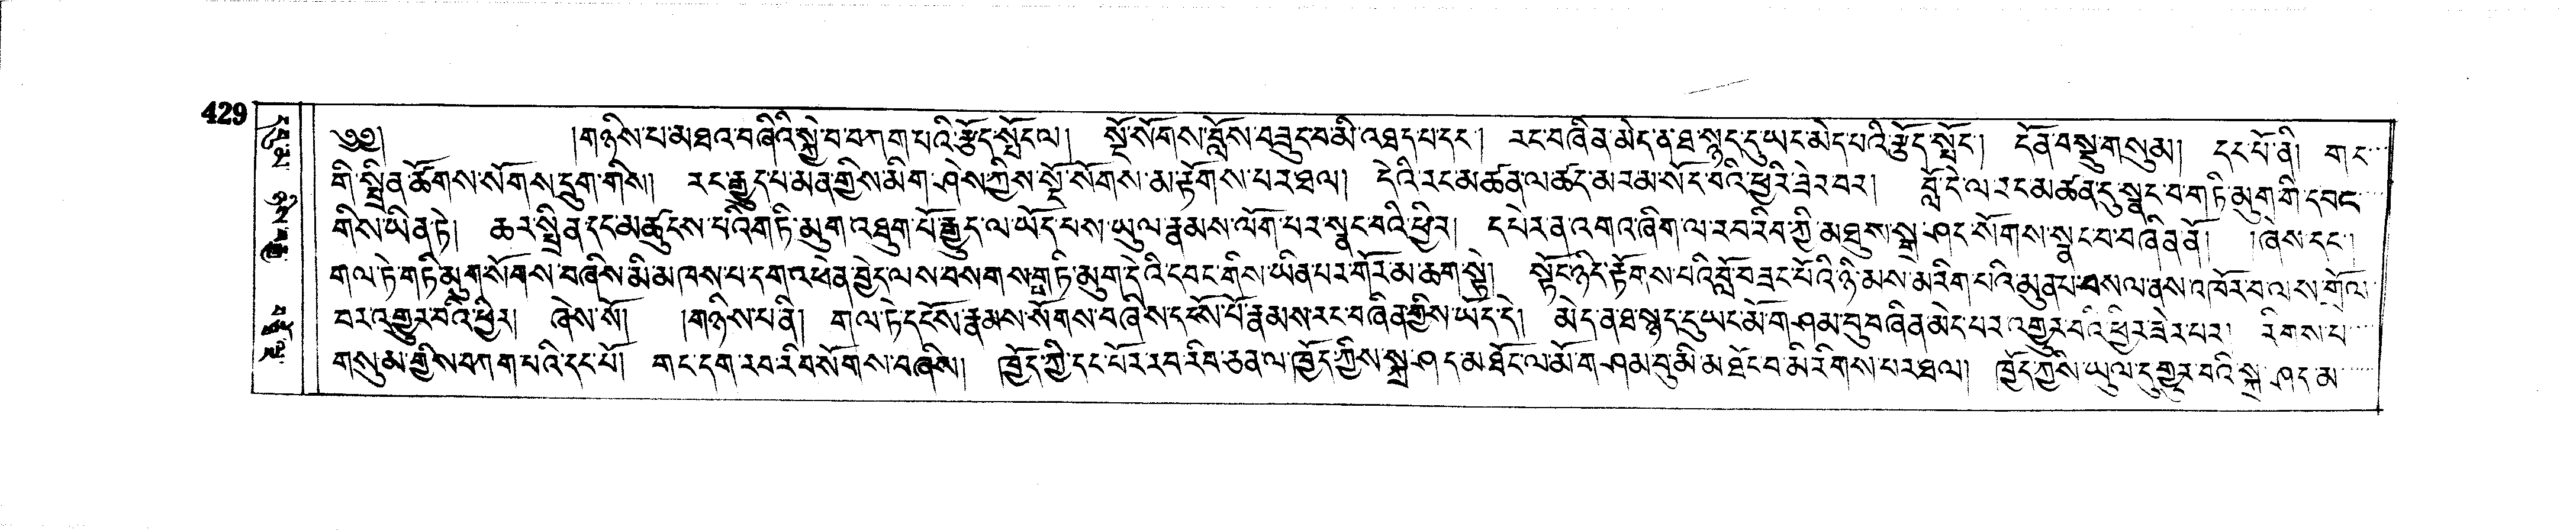༄༅། །གཉིས་པ་མཐའ་བཞིའི་སྐྱེ་བ་བཀག་པའི་རྩོད་སྤོང་ལ། སྔོ་སོགས་བློས་བཟུང་བ་མི་འཐད་པ་དང་། རང་བཞིན་མེད་ན་ཐ་སྙད་དུ་ཡང་མེད་པའི་རྩོད་སྤོང་། དོན་བསྡུ་གསུམ། དང་པོ་ནི། གང་
གི་སྤྲིན་ཚོགས་སོགས་དྲུག་གིས། རང་རྒྱུད་པ་མན་གྱིས་མིག་ཤེས་ཀྱིས་སྔོ་སོགས་མ་རྟོགས་པར་ཐལ། དེའི་རང་མཚན་ལ་ཚད་མར་མ་སོང་བའི་ཕྱིར་ཟེར་བར། བློ་དེ་ལ་རང་མཚན་དུ་སྣང་བ་གཏི་མུག་གི་དབང་
གིས་ཡིན་ཏེ། ཆར་སྤྲིན་དང་མཚུངས་པའི་གཏི་མུག་འཐུག་པོ་རྒྱུད་ལ་ཡོད་པས་ཡུལ་རྣམས་ལོག་པར་སྣང་བའི་ཕྱིར། དཔེར་ན་འགའ་ཞིག་ལ་རབ་རིབ་ཀྱི་མཐུས་སྒྲ་ཤད་སོགས་སྣང་བ་བཞིན་ནོ། །ཞེས་དང་།
གལ་ཏེ་གཏི་མུག་སོགས་བཞིས་མི་མཁས་པ་དག་འཕེན་བྱེད་ལས་བསགས་པ་གཏི་མུག་དེའི་དབང་གིས་ཡིན་པར་གོར་མ་ཆག་སྟེ། སྟོང་ཉིད་རྟོགས་པའི་བློ་བཟང་པོའི་ཉི་མས་མ་རིག་པའི་མུན་པ་བསལ་ནས་འཁོར་བ་ལས་གྲོལ་
བར་འགྱུར་བའི་ཕྱིར། ཞེས་སོ། །གཉིས་པ་ནི། གལ་ཏེ་དངོས་རྣམས་སོགས་བཞིས་དངོས་པོ་རྣམས་རང་བཞིན་གྱིས་ཡོད་དེ། མེད་ན་ཐ་སྙད་དུ་ཡང་མོ་གཤམ་བུ་བཞིན་མེད་པར་འགྱུར་བའི་ཕྱིར་ཟེར་པར། རིགས་པ་
གསུམ་གྱིས་བཀག་པའི་དང་པོ། གང་དག་རབ་རིབ་སོགས་བཞིས། ཁྱོད་ཀྱི་དང་པོར་རབ་རིབ་ཅན་ལ་ཁྱོད་ཀྱིས་སྐྲ་ཤད་མཐོང་ལ་མོ་གཤམ་བུ་མི་མཐོང་བ་མི་རིགས་པར་ཐལ། ཁྱོད་ཀྱིས་ཡུལ་དུ་གྱུར་བའི་སྐྲ་ཤད་མ་